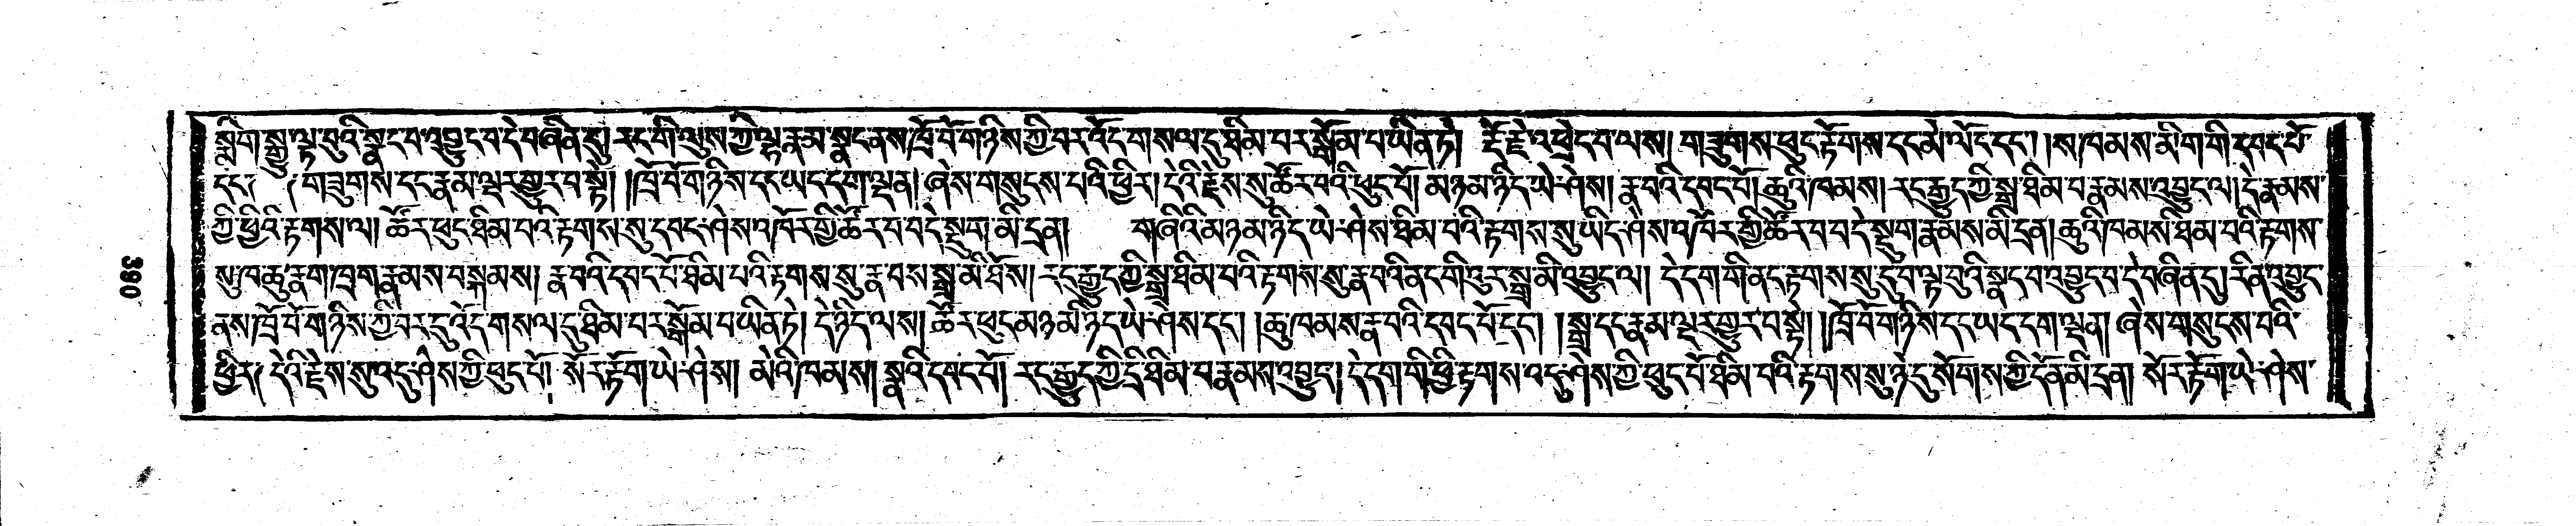སྨིག་སྒྱུ་ལྟ་བུའི་སྣང་བ་འབྱུང་བ་དེ་བཞིན་དུ། རང་གི་ལུས་ཀྱི་ལྷ་རྣམ་སྣང་ནས་ཁྲོ་བོ་གཉིས་ཀྱི་བར་འོད་གསལ་དུ་ཐིམ་པར་སྒོམ་པ་ཡིན་ཏེ། རྡོ་རྗེ་འཕྲེང་བ་ལས། གཟུགས་ཕུང་རྟོགས་དང་མེ་ལོང་དང་། །ས་ཁམས་མིག་གི་དབང་པོ་
དང༑ ༑གཟུགས་དང་རྣམ་ལྔར་གྱུར་བ་སྟེ། །ཁྲོ་བོ་གཉིས་དང་ཡང་དག་ལྡན། ཞེས་གསུངས་པའི་ཕྱིར། དེའི་རྗེས་སུ་ཚོར་བའི་ཕུང་པོ། མཉམ་ཉིད་ཡེ་ཤེས། རྣ་བའི་དབང་པོ། ཆུའི་ཁམས། རང་རྒྱུད་ཀྱི་སྒྲ་ཐིམ་པ་རྣམས་འབྱུང་ལ། དེ་རྣམས་
ཀྱི་ཕྱིའི་རྟགས་ལ། ཚོར་ཕུད་ཐིམ་པའི་རྟགས་སུ་དབང་ཤེས་འཁོར་གྱི་ཚོར་བ་བདེ་སྡུག་མི་དྲན། གཞིའི་མཉམ་ཉིད་ཡེ་ཤེས་ཐིམ་པའི་རྟགས་སུ་ཡིད་ཤེས་འཁོར་གྱི་ཚོར་བ་བདེ་སྡུག་རྣམས་མི་དྲན། ཆུའི་ཁམས་ཐིམ་པའི་རྟགས་
སུ་ཁ་ཆུ་རྣག་ཁྲག་རྣམས་བསྐམས། རྣ་བའི་དབང་པོ་ཐིམ་པའི་རྟགས་སུ་རྣ་བས་སྒྲ་མི་ཐོས། རང་རྒྱུད་ཀྱི་སྒྲ་ཐིམ་པའི་རྟགས་སུ་རྣ་བའི་ནང་གིའུར་སྒྲ་མི་འབྱུང་ལ། དེ་དག་གི་ནང་རྟགས་སུ་དུ་བ་ལྟ་བུའི་སྣང་བ་འབྱུང་བ་དེ་བཞིན་དུ། རིན་འབྱུང་
ནས་ཁྲོ་བོ་གཉིས་ཀྱི་བར་དུ་འོད་གསལ་དུ་ཐིམ་པར་སྒོམ་པ་ཡིན་ཏེ། དེ་ཉིད་ལས། ཚོར་ཕུང་མཉམ་ཉིད་ཡེ་ཤེས་དང་། །ཆུ་ཁམས་རྣ་བའི་དབང་པོ་དང་། །སྒྲ་དང་རྣམ་ལྔར་གྱུར་བ་སྟེ། །ཁྲོ་བོ་གཉིས་དང་ཡང་དག་ལྡན། ཞེས་གསུངས་བའི་
ཕྱིར༑ དེའི་རྗེས་སུ་འདུ་ཤེས་ཀྱི་ཕུང་པོ། སོར་རྟོག་ཡེ་ཤེས། མེའི་ཁམས། སྣའི་དབང་པོ། རང་རྒྱུད་ཀྱི་དྲི་ཐིམ་པ་རྣམས་འབྱུང་། དེ་དག་གི་ཕྱི་རྟགས་འདུ་ཤེས་ཀྱི་ཕུང་པོ་ཐིམ་པའི་རྟགས་སུ་ཉེ་དུ་སོགས་ཀྱི་དོན་མི་དྲན། སོར་རྟོག་ཡེ་ཤེས་